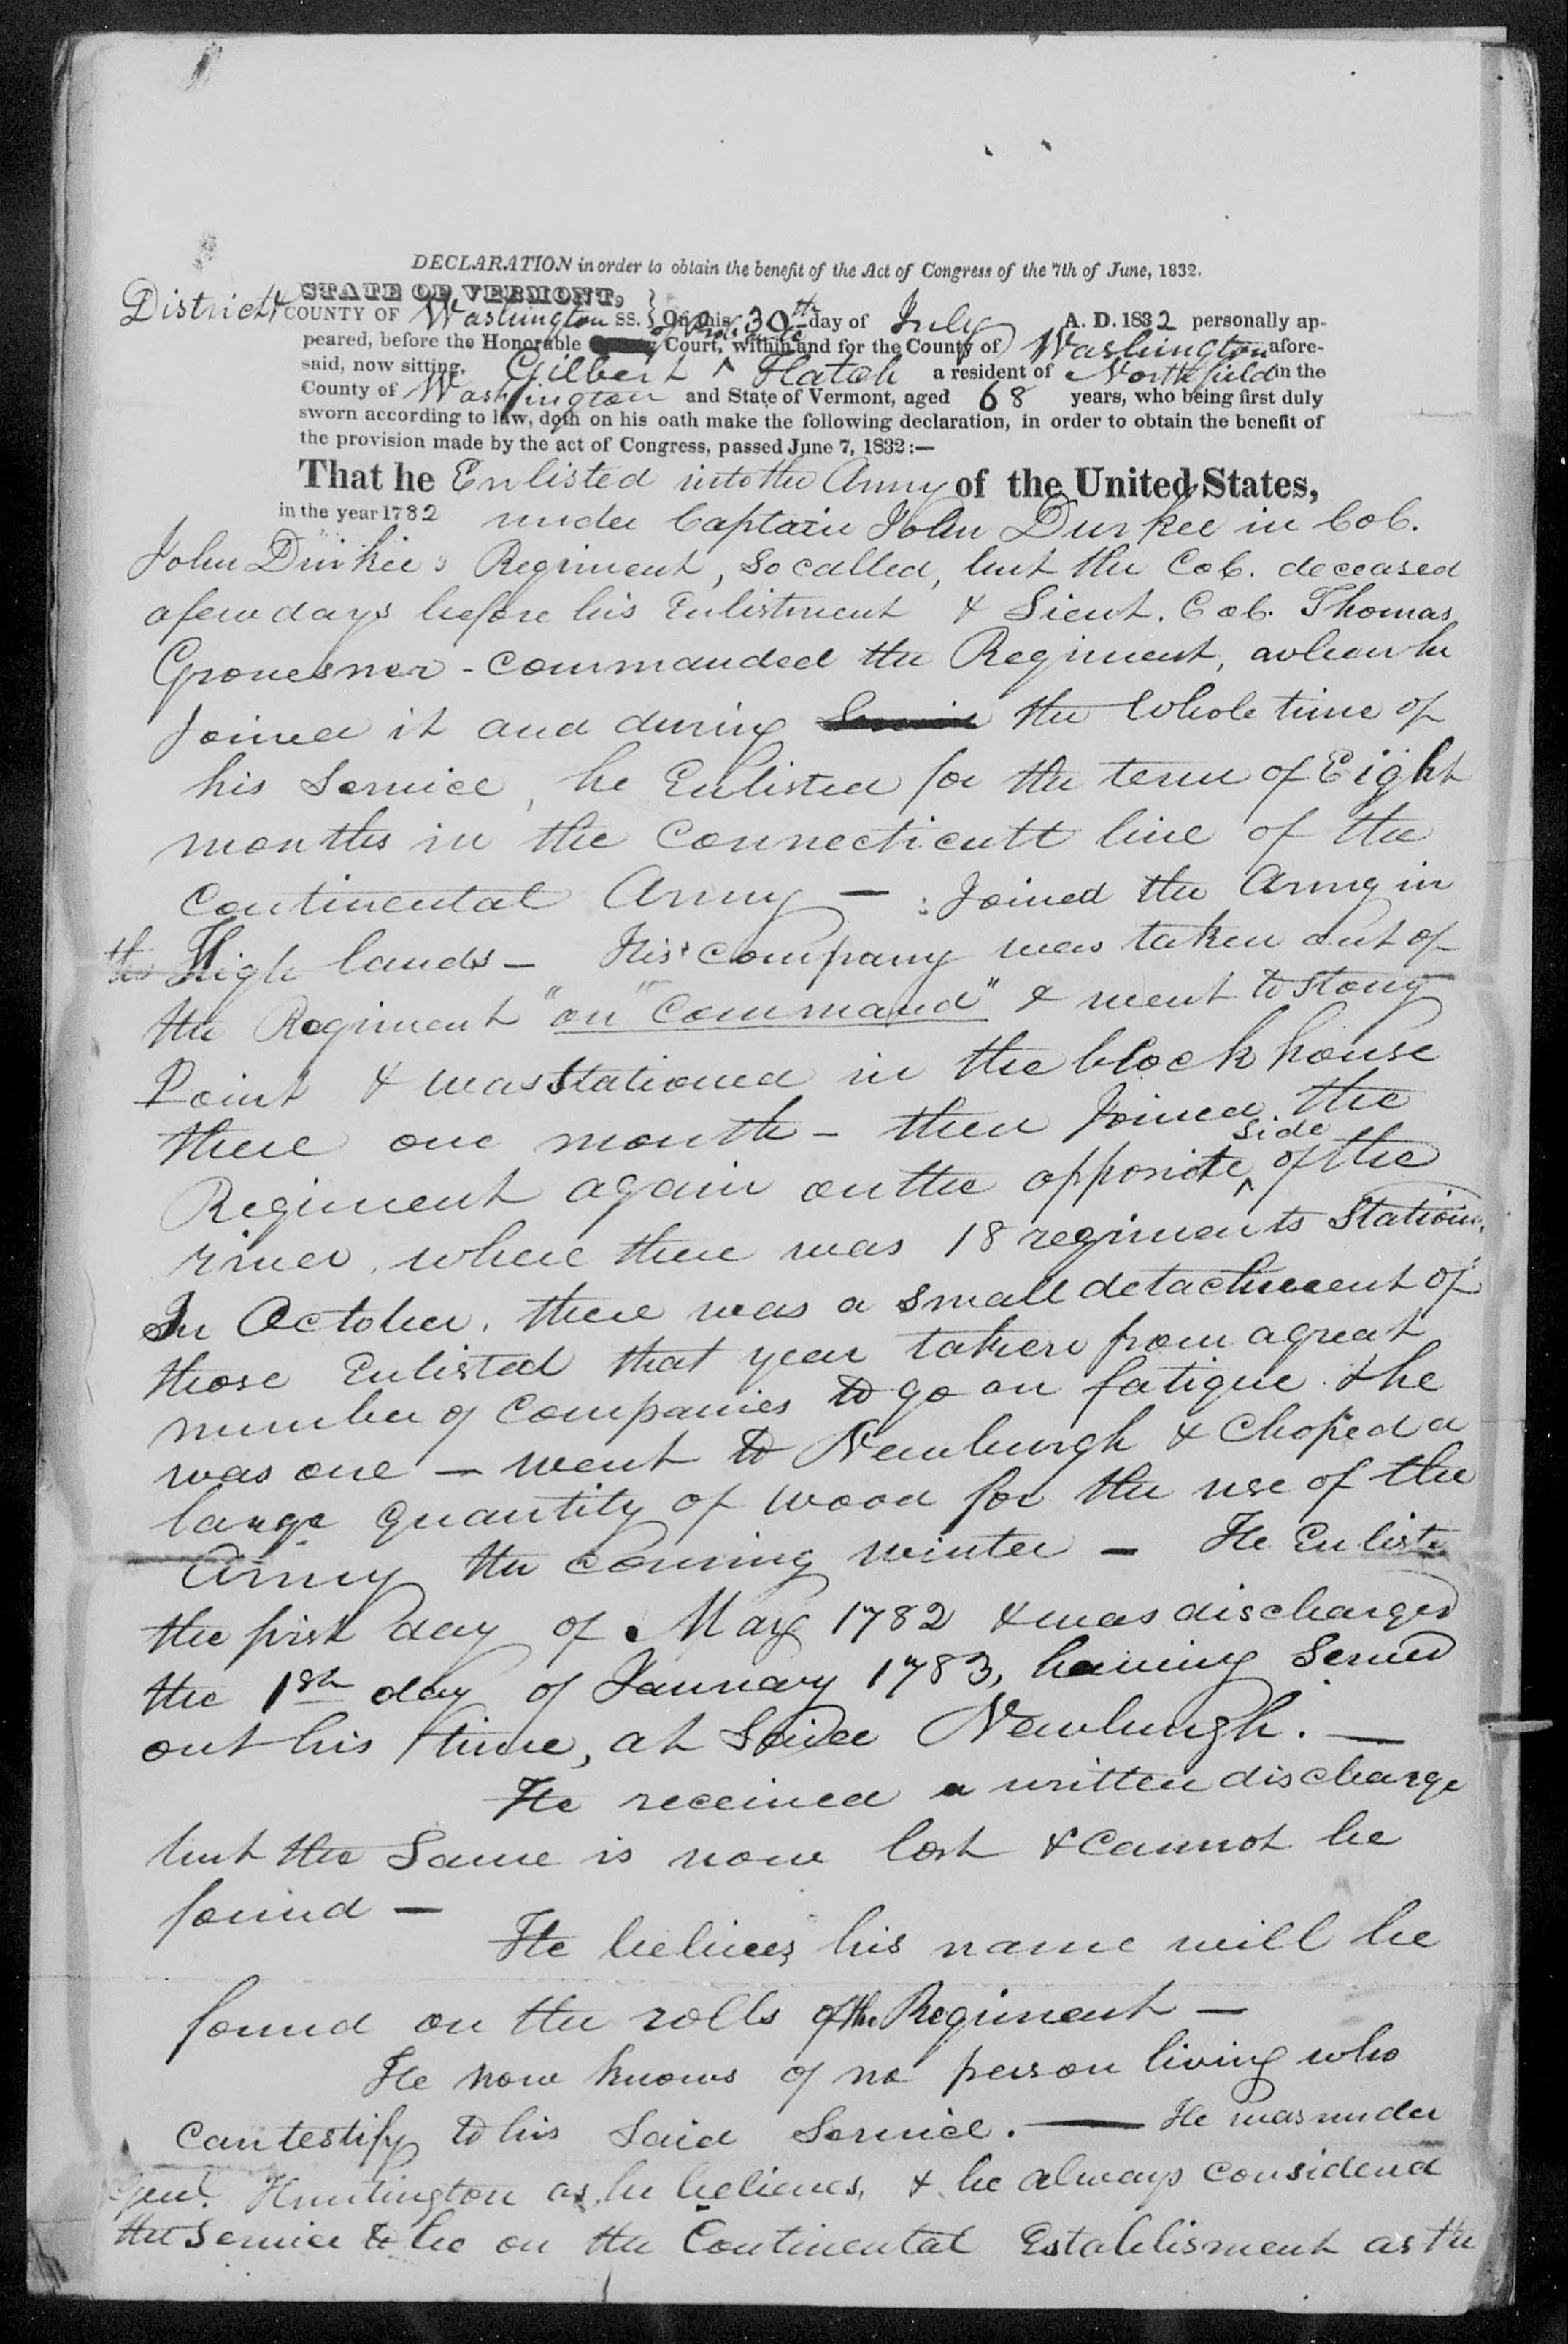DECLARATION in order oath benefit of the Act of Congress of the 7th of June, 1832.
STATE OF VERMONT }
[handwritten: District] COUNTY of [handwritten: Washington] ss }. On this [handwritten: 30th] day of [handwritten: July] A. D. [handwritten: 1832] personally appeared, before the Honorable [crossed out word] Court [^of Probate] within and for the County of [handwritten: Washington] aforesaid, now sitting, Gilbert Hatch a resident of [handwritten: Northfield] in the County of [handwritten: Washington] and State of Vermont, aged [handwritten: 68] years, who being first duly sworn according to law, doth on his oath make the following declaration, in order to obtain the benefit of the provision made by the act of Congress, passed June 7, 1832: --

That he [handwritten: enlisted into the Army] of the United States, in the year [all handwritten below] 1782 under Captain John Durkee in Col. John Durkee Regiment, so called, but the Col. deceased a few days before his Enlistment & Lieut. Col. Thomas Grovesnor [Grosvenor] commanded the Regiment, when he joined in and during [crossed out word] the whole time of his service, he enlisted for the term of Eight months in the Connecticut line of the Continental Army- Joined the Army in the Highlands - His company was taken out of the Regiment "on Command, & went to Stony Point & was stationed in the block house there one month- then joined the Regiment again on the opposite [^side] of the river, where there was 18 regiments Stationed In October, there was a small detachment of those enlisted that year taken from a great number of companies to go on fatigue. He was one - went to Newburgh & choped [chopped] a large quantity of wood for the use of the army the coming winter. He enlisted the first day of May 1782 & was discharged the 1st day of January 1783, having served out his time, at said Newburgh.-

He received a written discharge but the same is now lost & cannot be found--

He believes his name will be found on the rolls of the Regiment-

He now knows of no person living who can testify to his said Service. -- He was under Gen Huntington as he believes, & he always considered the service to be on the Continental Establishment as the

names: John Durkee, Gilbert Hatch, Thomas Grovesner, Huntington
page: 6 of 47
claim: widow's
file: W. 225, Gilbert Hatch, Conn.